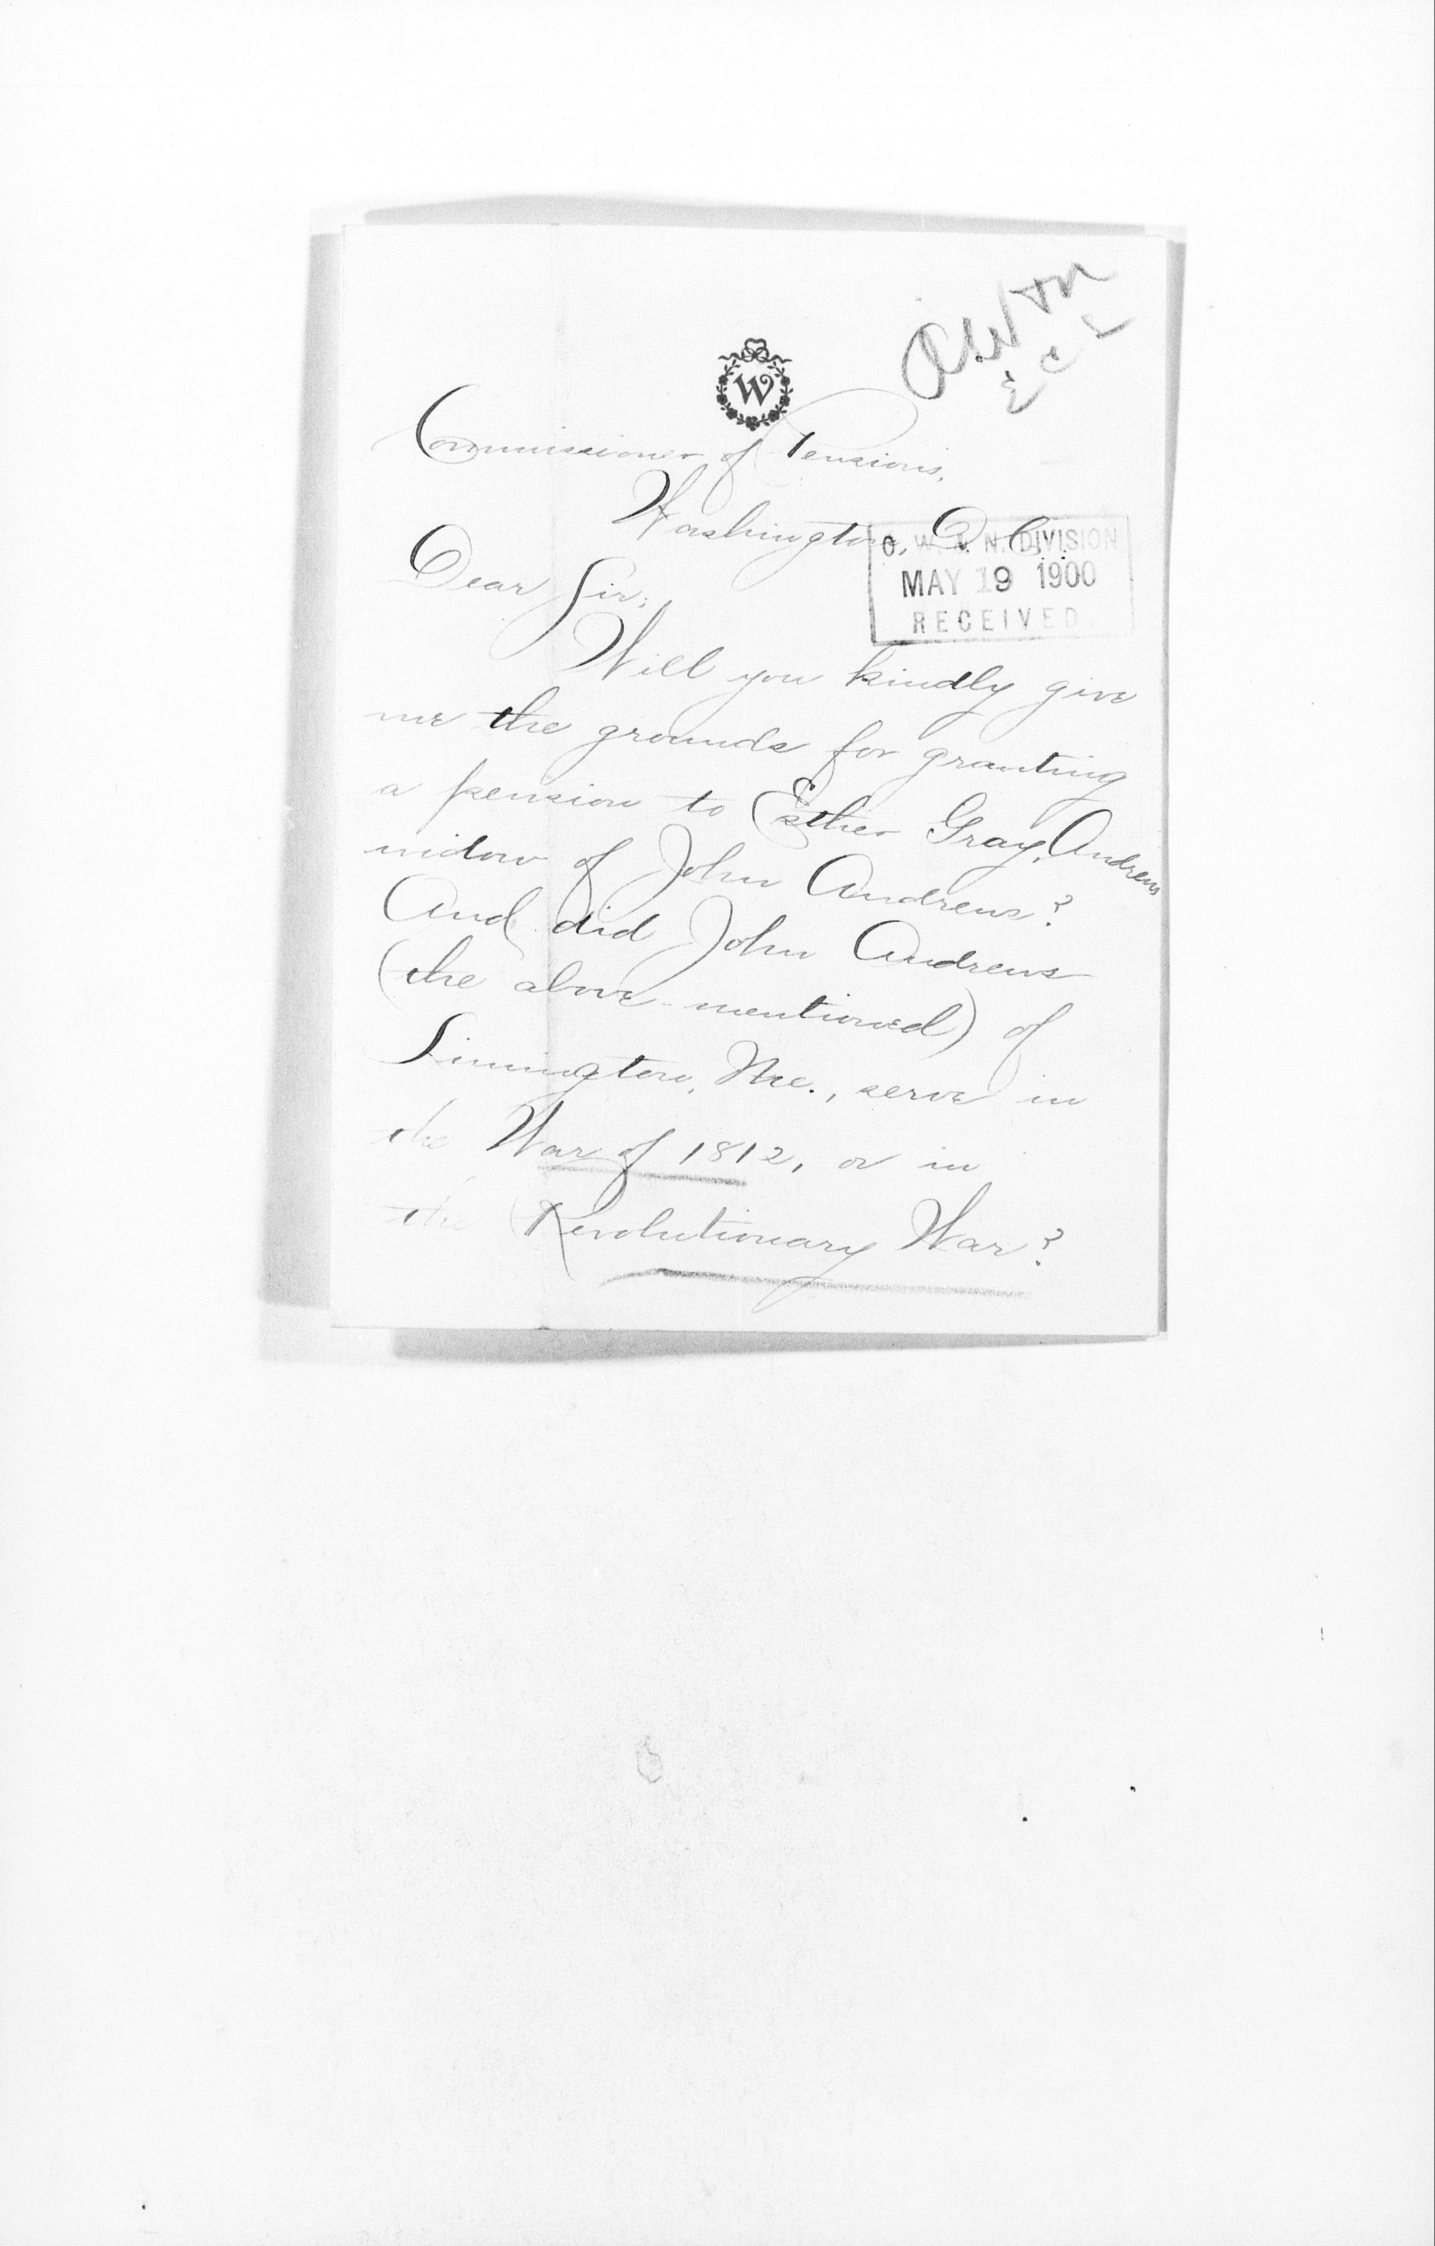Commissioner of Pensions
Washington, D.C.

Dear Sir, 


Will you kindly give me the grounds for granting a pension to Esther Gray Andrews, widow of John Andrews?

And did John Andrews (the above mentioned) of Limington, Me. serve in the War of 1812 r in the Revolutionary War?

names: John Andrews, John Andrews, Esther Gray Andrews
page: 22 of 23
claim: widow's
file: W. 1693, John Andrews, Mass.